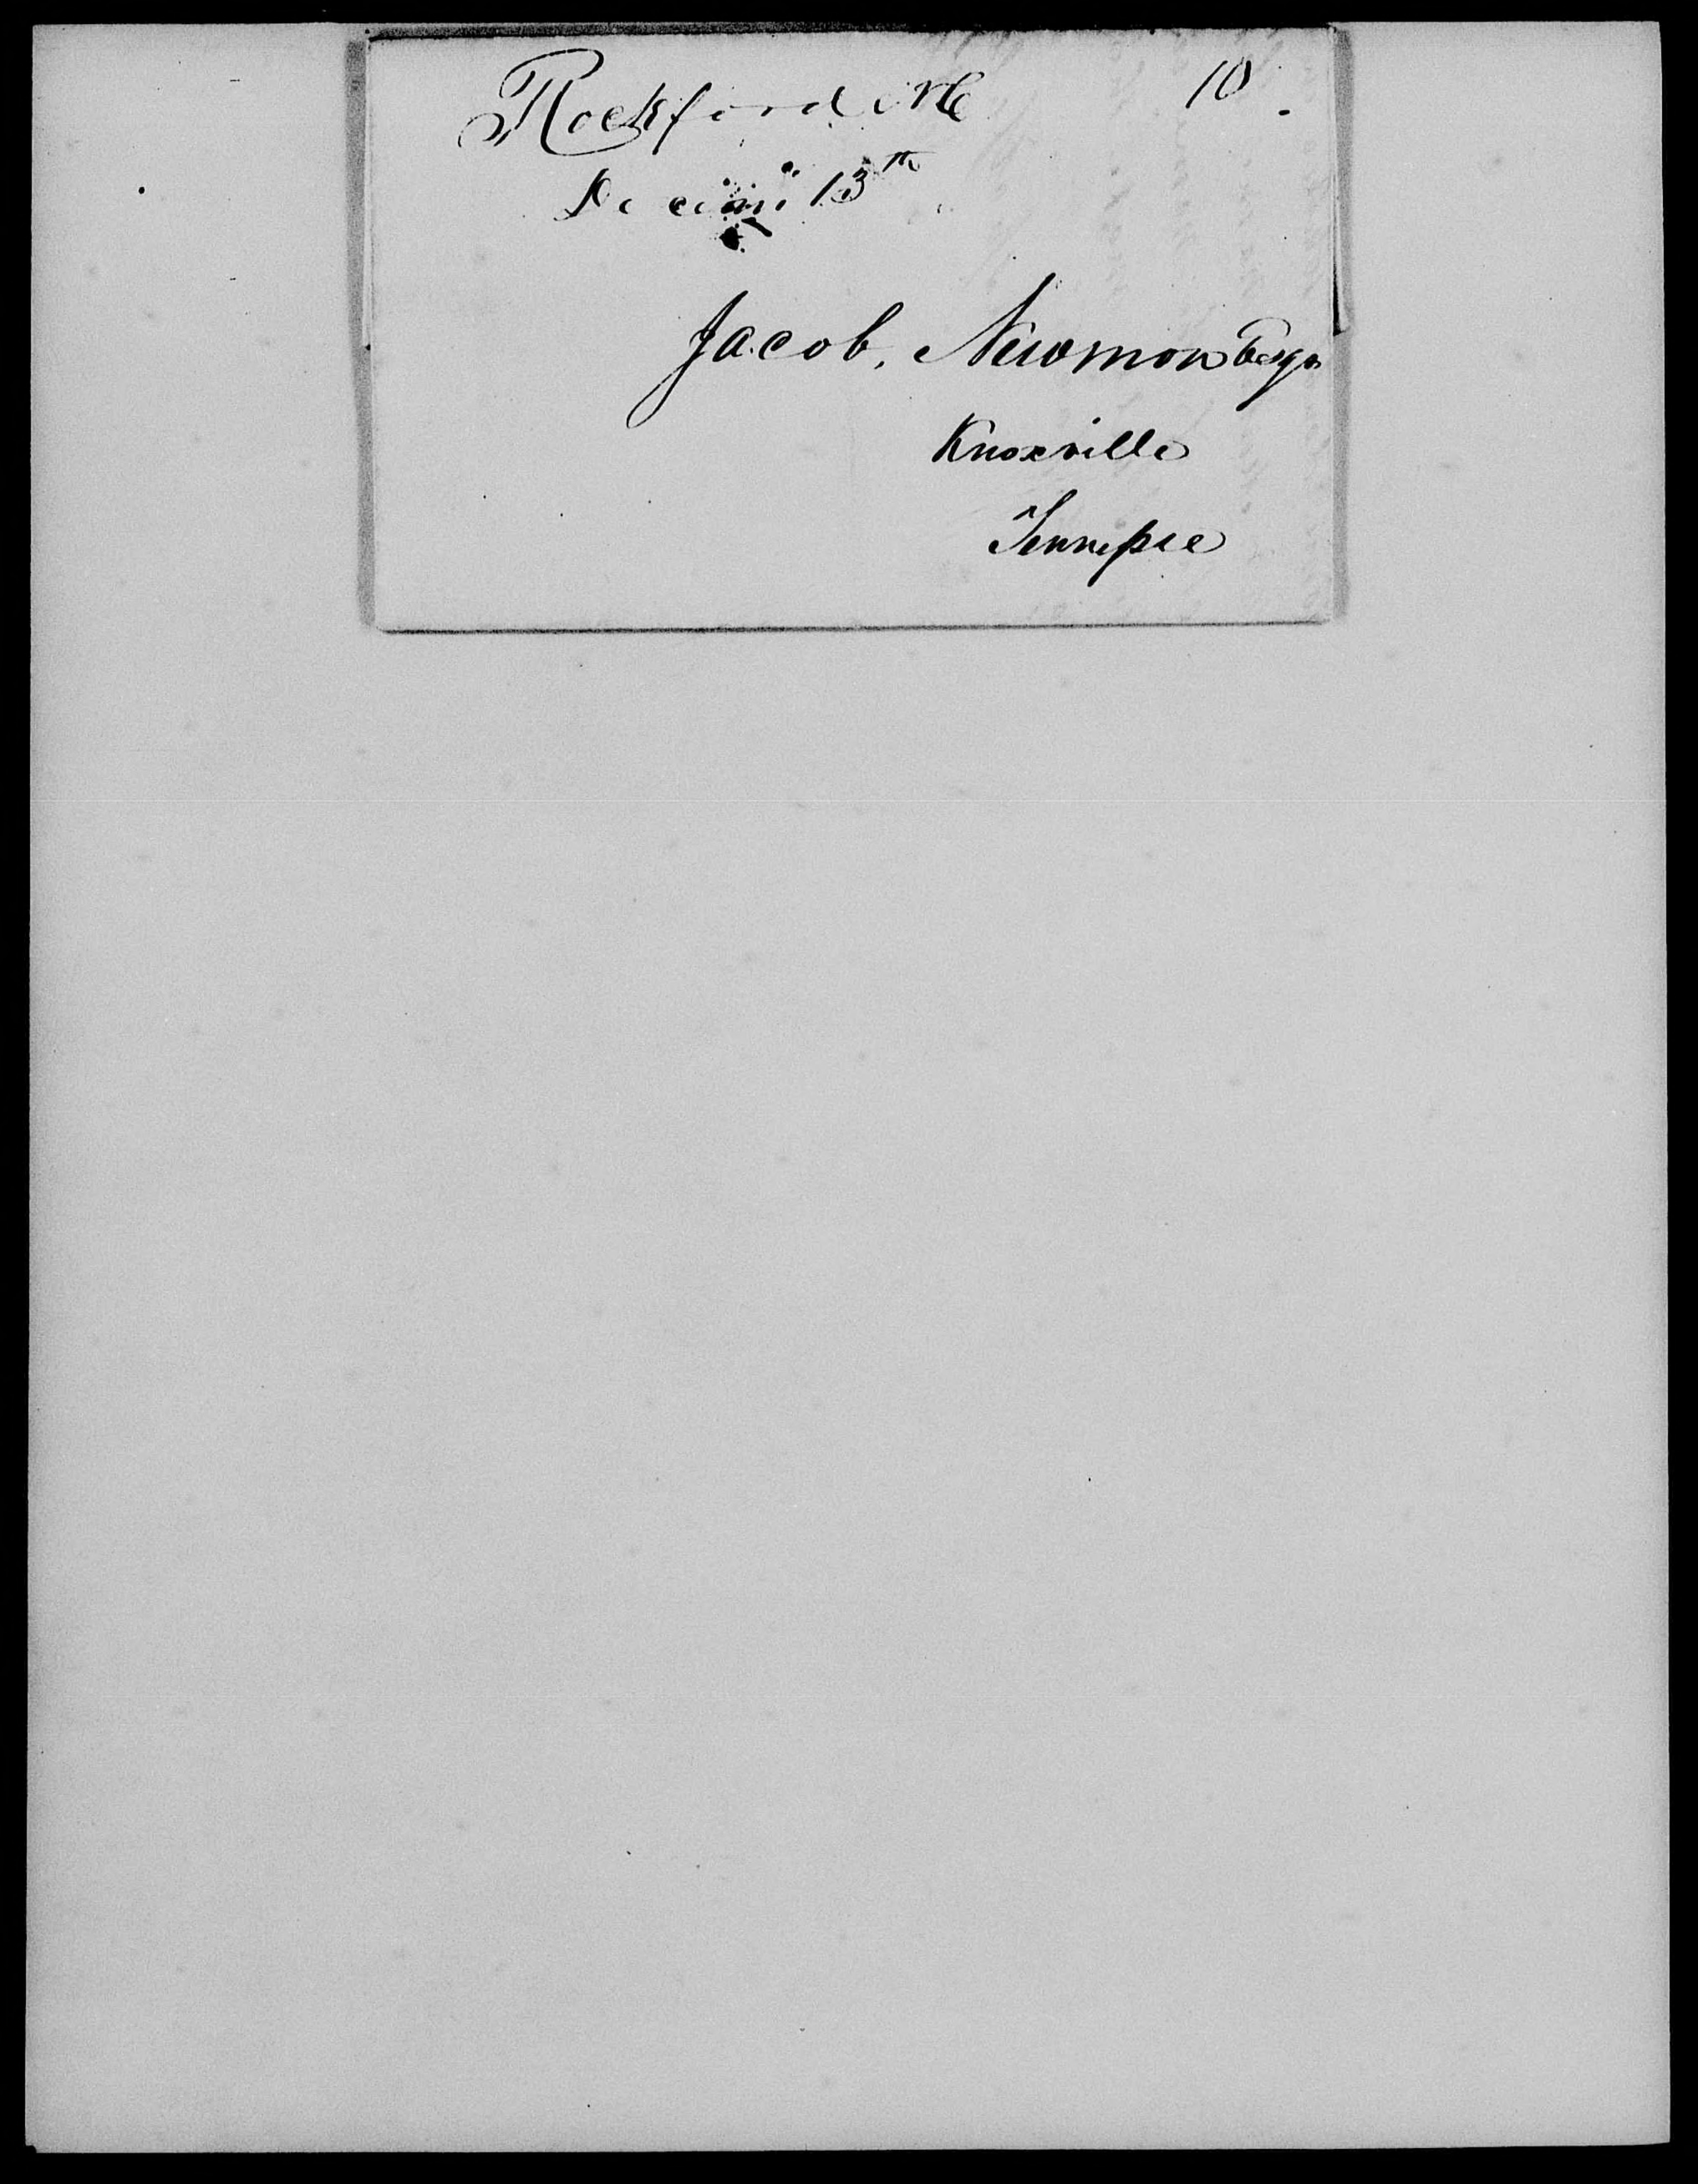10
Rockford NC
Dec. 13th

Jacob Newman Esqr
Knoxville
Tennessee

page: 92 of 120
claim: widow's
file: W. 1044, for Salathiel Martin, North Carolina